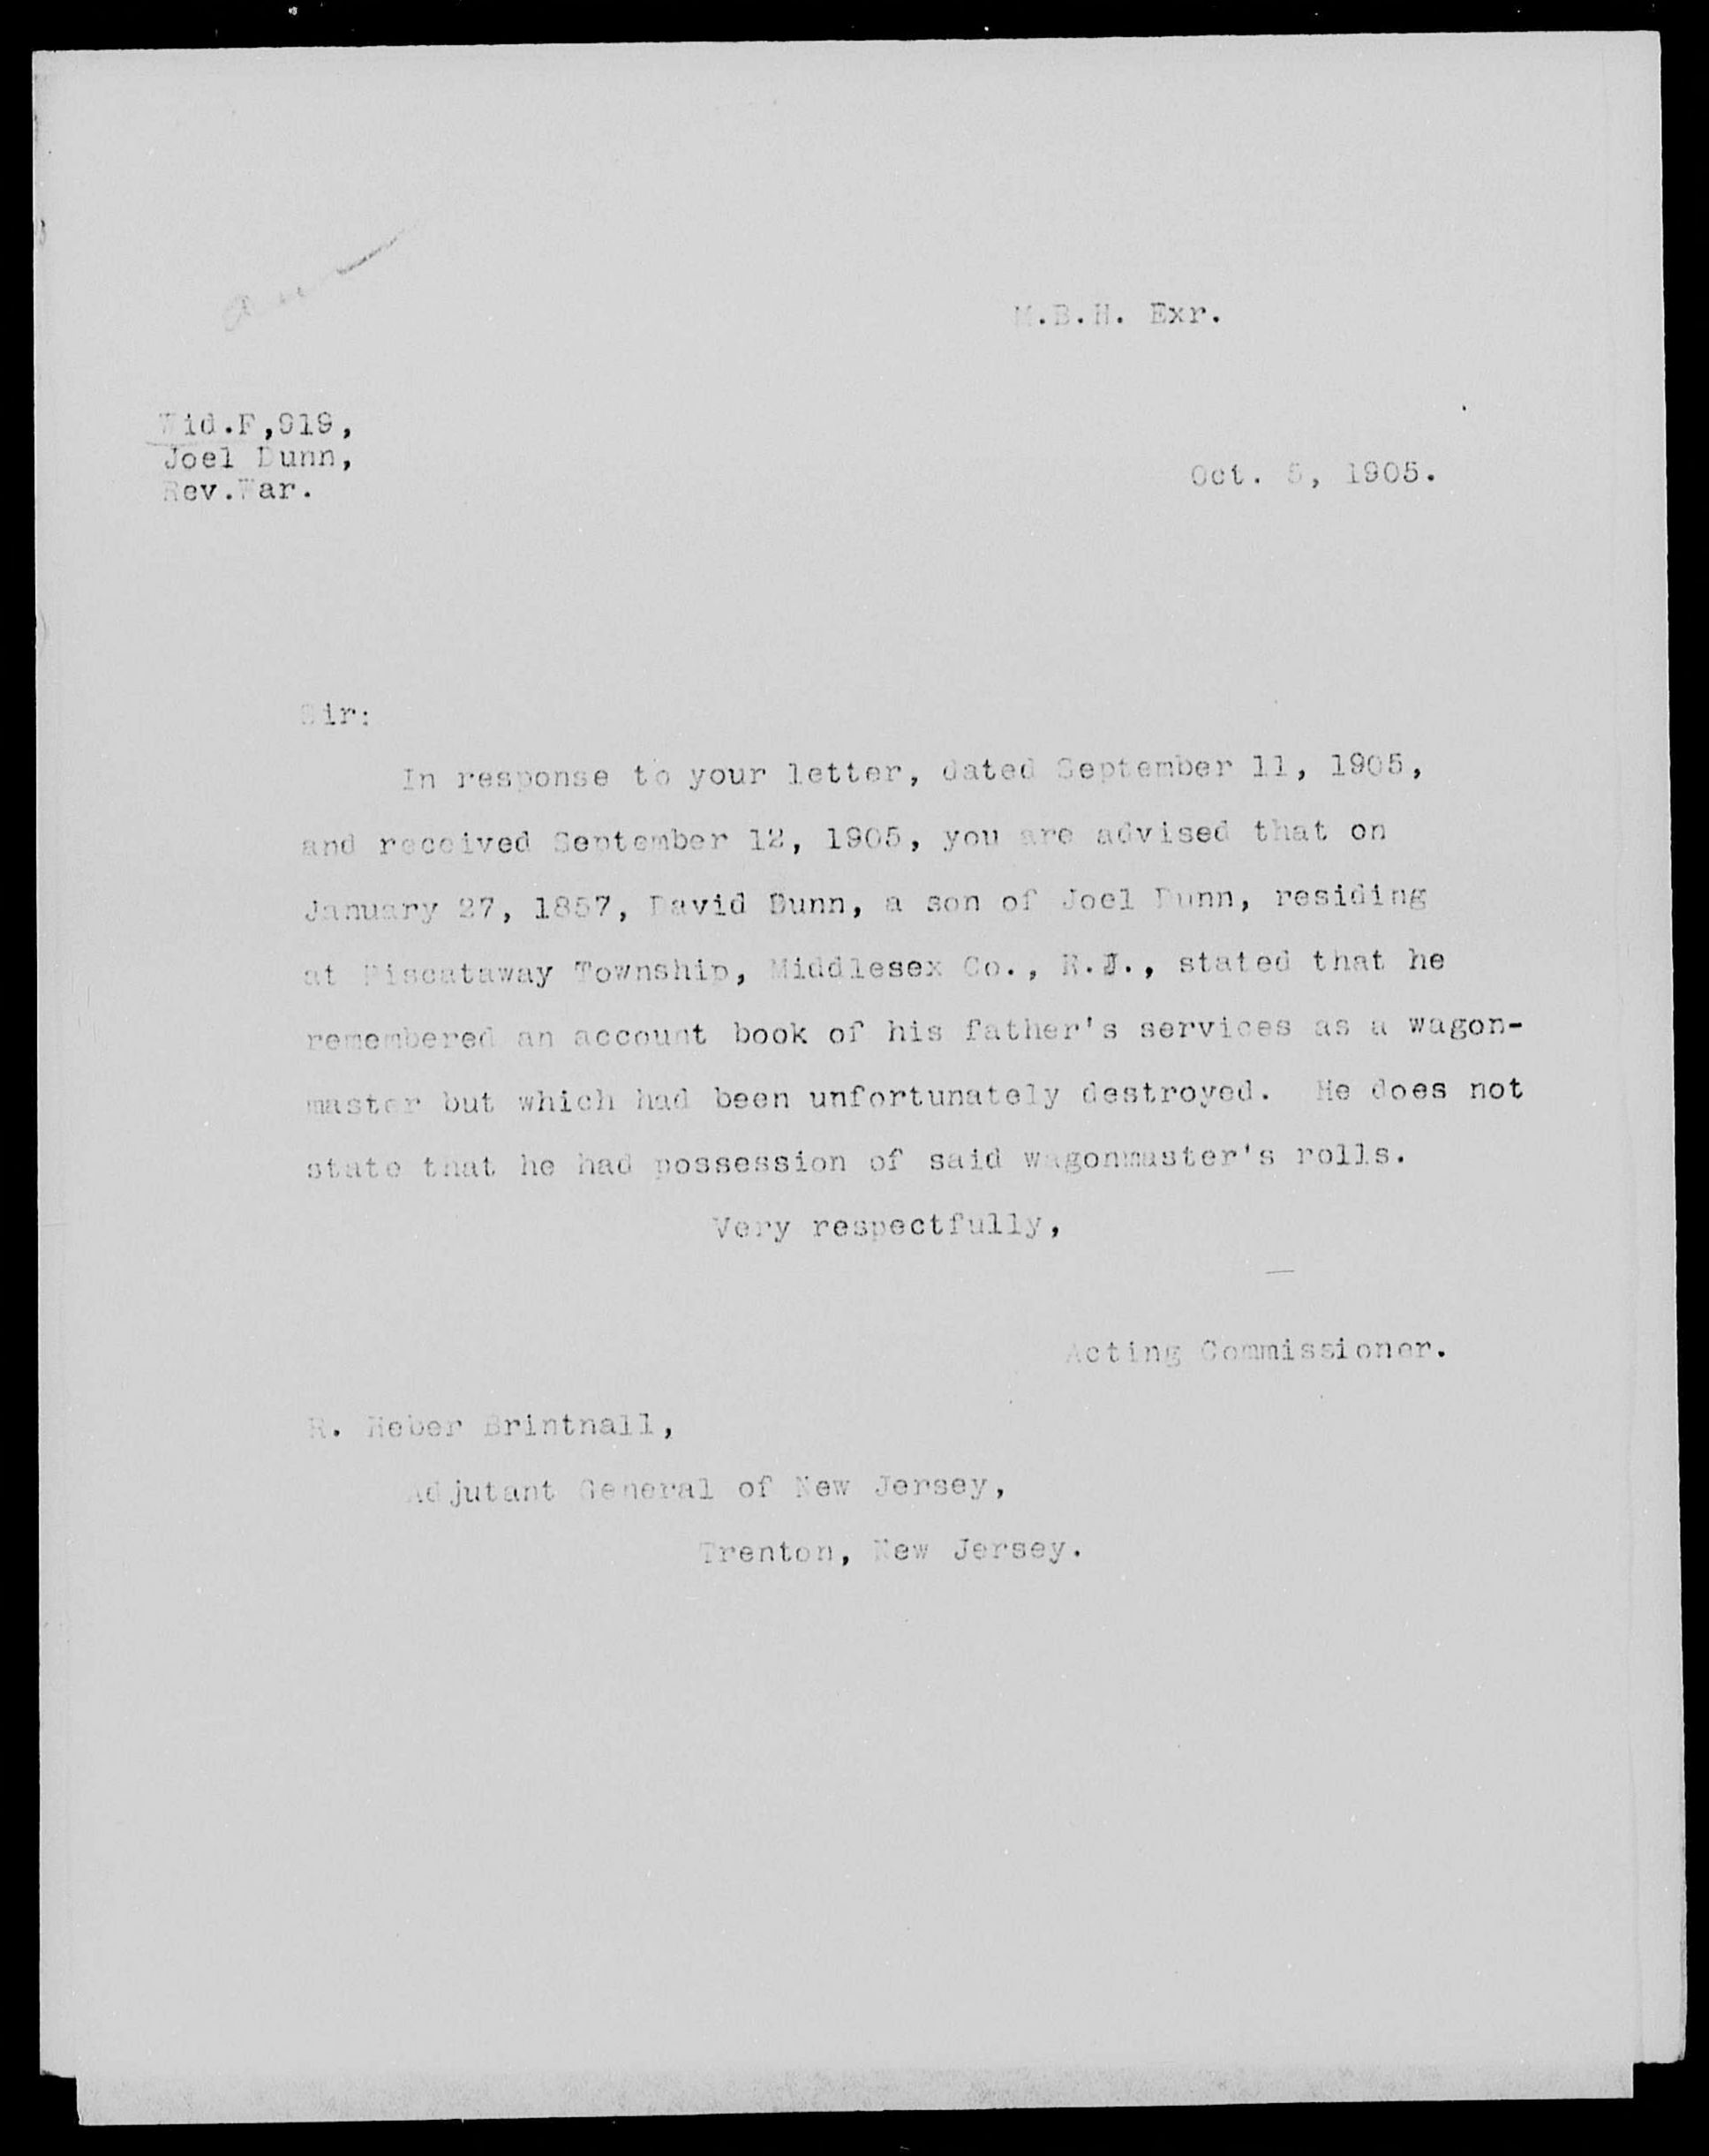M.B.H. Exr.

Wid. F, 919,
Joel Dunn,
Rev. War.

Oct. 5, 1905.
Sir:
In response to your letter, dated September 11, 1905,
and received September 12, 1905, you are advised that on
January 27, 1857, David Dunn, a son of Joel Dunn, residing
at Piscataway Township, Middlesex Co., N.J., stated that he
remembered an account book of his father's services as a wagonmaster
but which had been unfortunately destroyed. He does not
state that he had possession of said wagonmaster's rolls.
Very respectfully,
Acting Commissioner.
R. Heber Brintnall,
Adjutant General of New Jersey,
Trenton, New Jersey.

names: Joel Dunn, R Heber Brintnall, Joel Dunn, David Dunn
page: 52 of 52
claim: widow's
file: W. 919, Joel Dunn, New Jersey